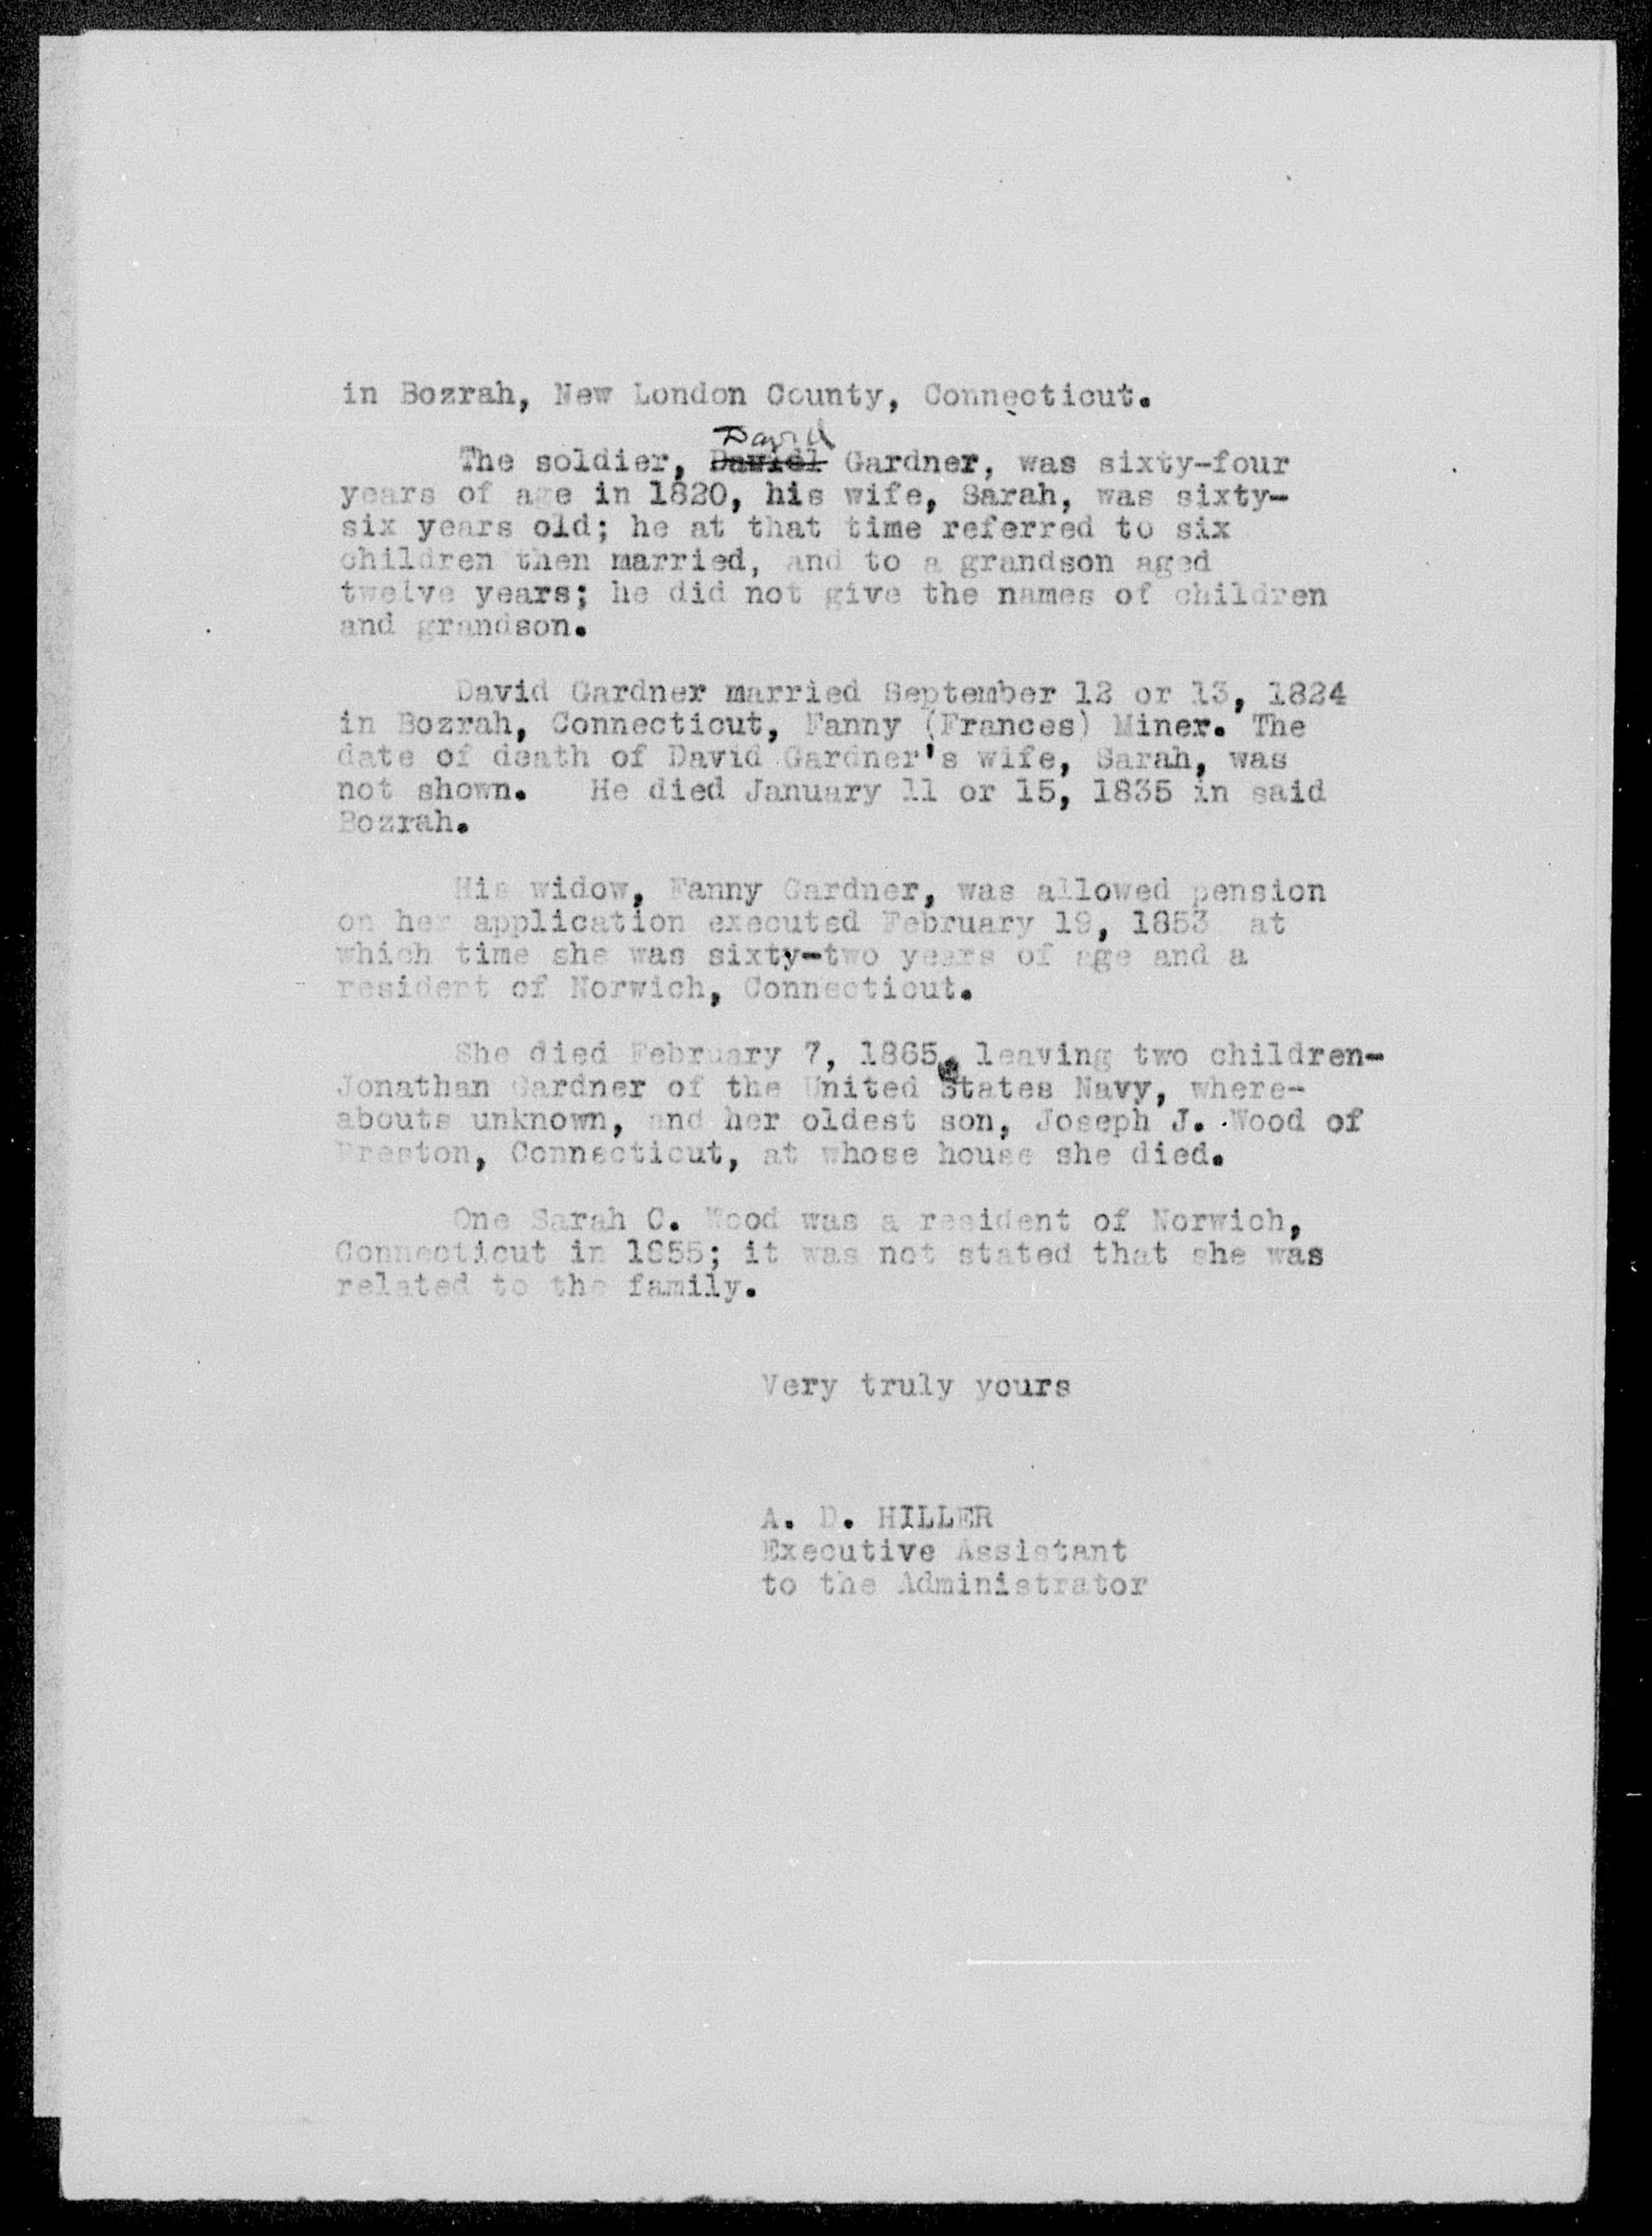in Bozrah, New London County, Connecticut.

The soldier, David Gardner, was sixty-four 
years of age in 1820, his wife, Sarah, was sixty-six
years old; he at that time referred to six 
children then married, and to a grandson aged
twelve years; he did not give the names of childtren
and grandson.

David Gardner married September 12 or 13, 1824
in Bozrah, Connecticut, Fanny (Frances) Miner. The
date of death of David Gardner's wife, Sarah, was
not shown. He died January 11 or 15, 1835 in said 
Bozrah.

His widow, Fanny Gardner, was allowed pension 
on her application executed February 19, 1853 at
which time she was sixty-two years of age and a
resident of Norwich, Connecticut.

She died February 7, 1865, leaving two children-
Jonathan Gardner of the United States Navy, whereabouts
unknown, and her oldest son, Joseph J. Wood of 
Preston, Connecticut, at whose house she died. 

One Sarah C. Wood was a resident of Norwich, Connecticut in 1855; it was not stated that she was related to the family.

Very truly yours

A. D. Hiller
Executive Assistant
to the Administrator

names: David Gardner, Sarah, Frances Miner, Joseph J Wood, Sarah, Sarah C Wood, David Gardner, Fanny Gardner, Fanny Miner, A D Hiller, David Gardner, Jonathan Gardner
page: 26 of 66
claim: widow's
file: W 1850, David Gardner, Conn.